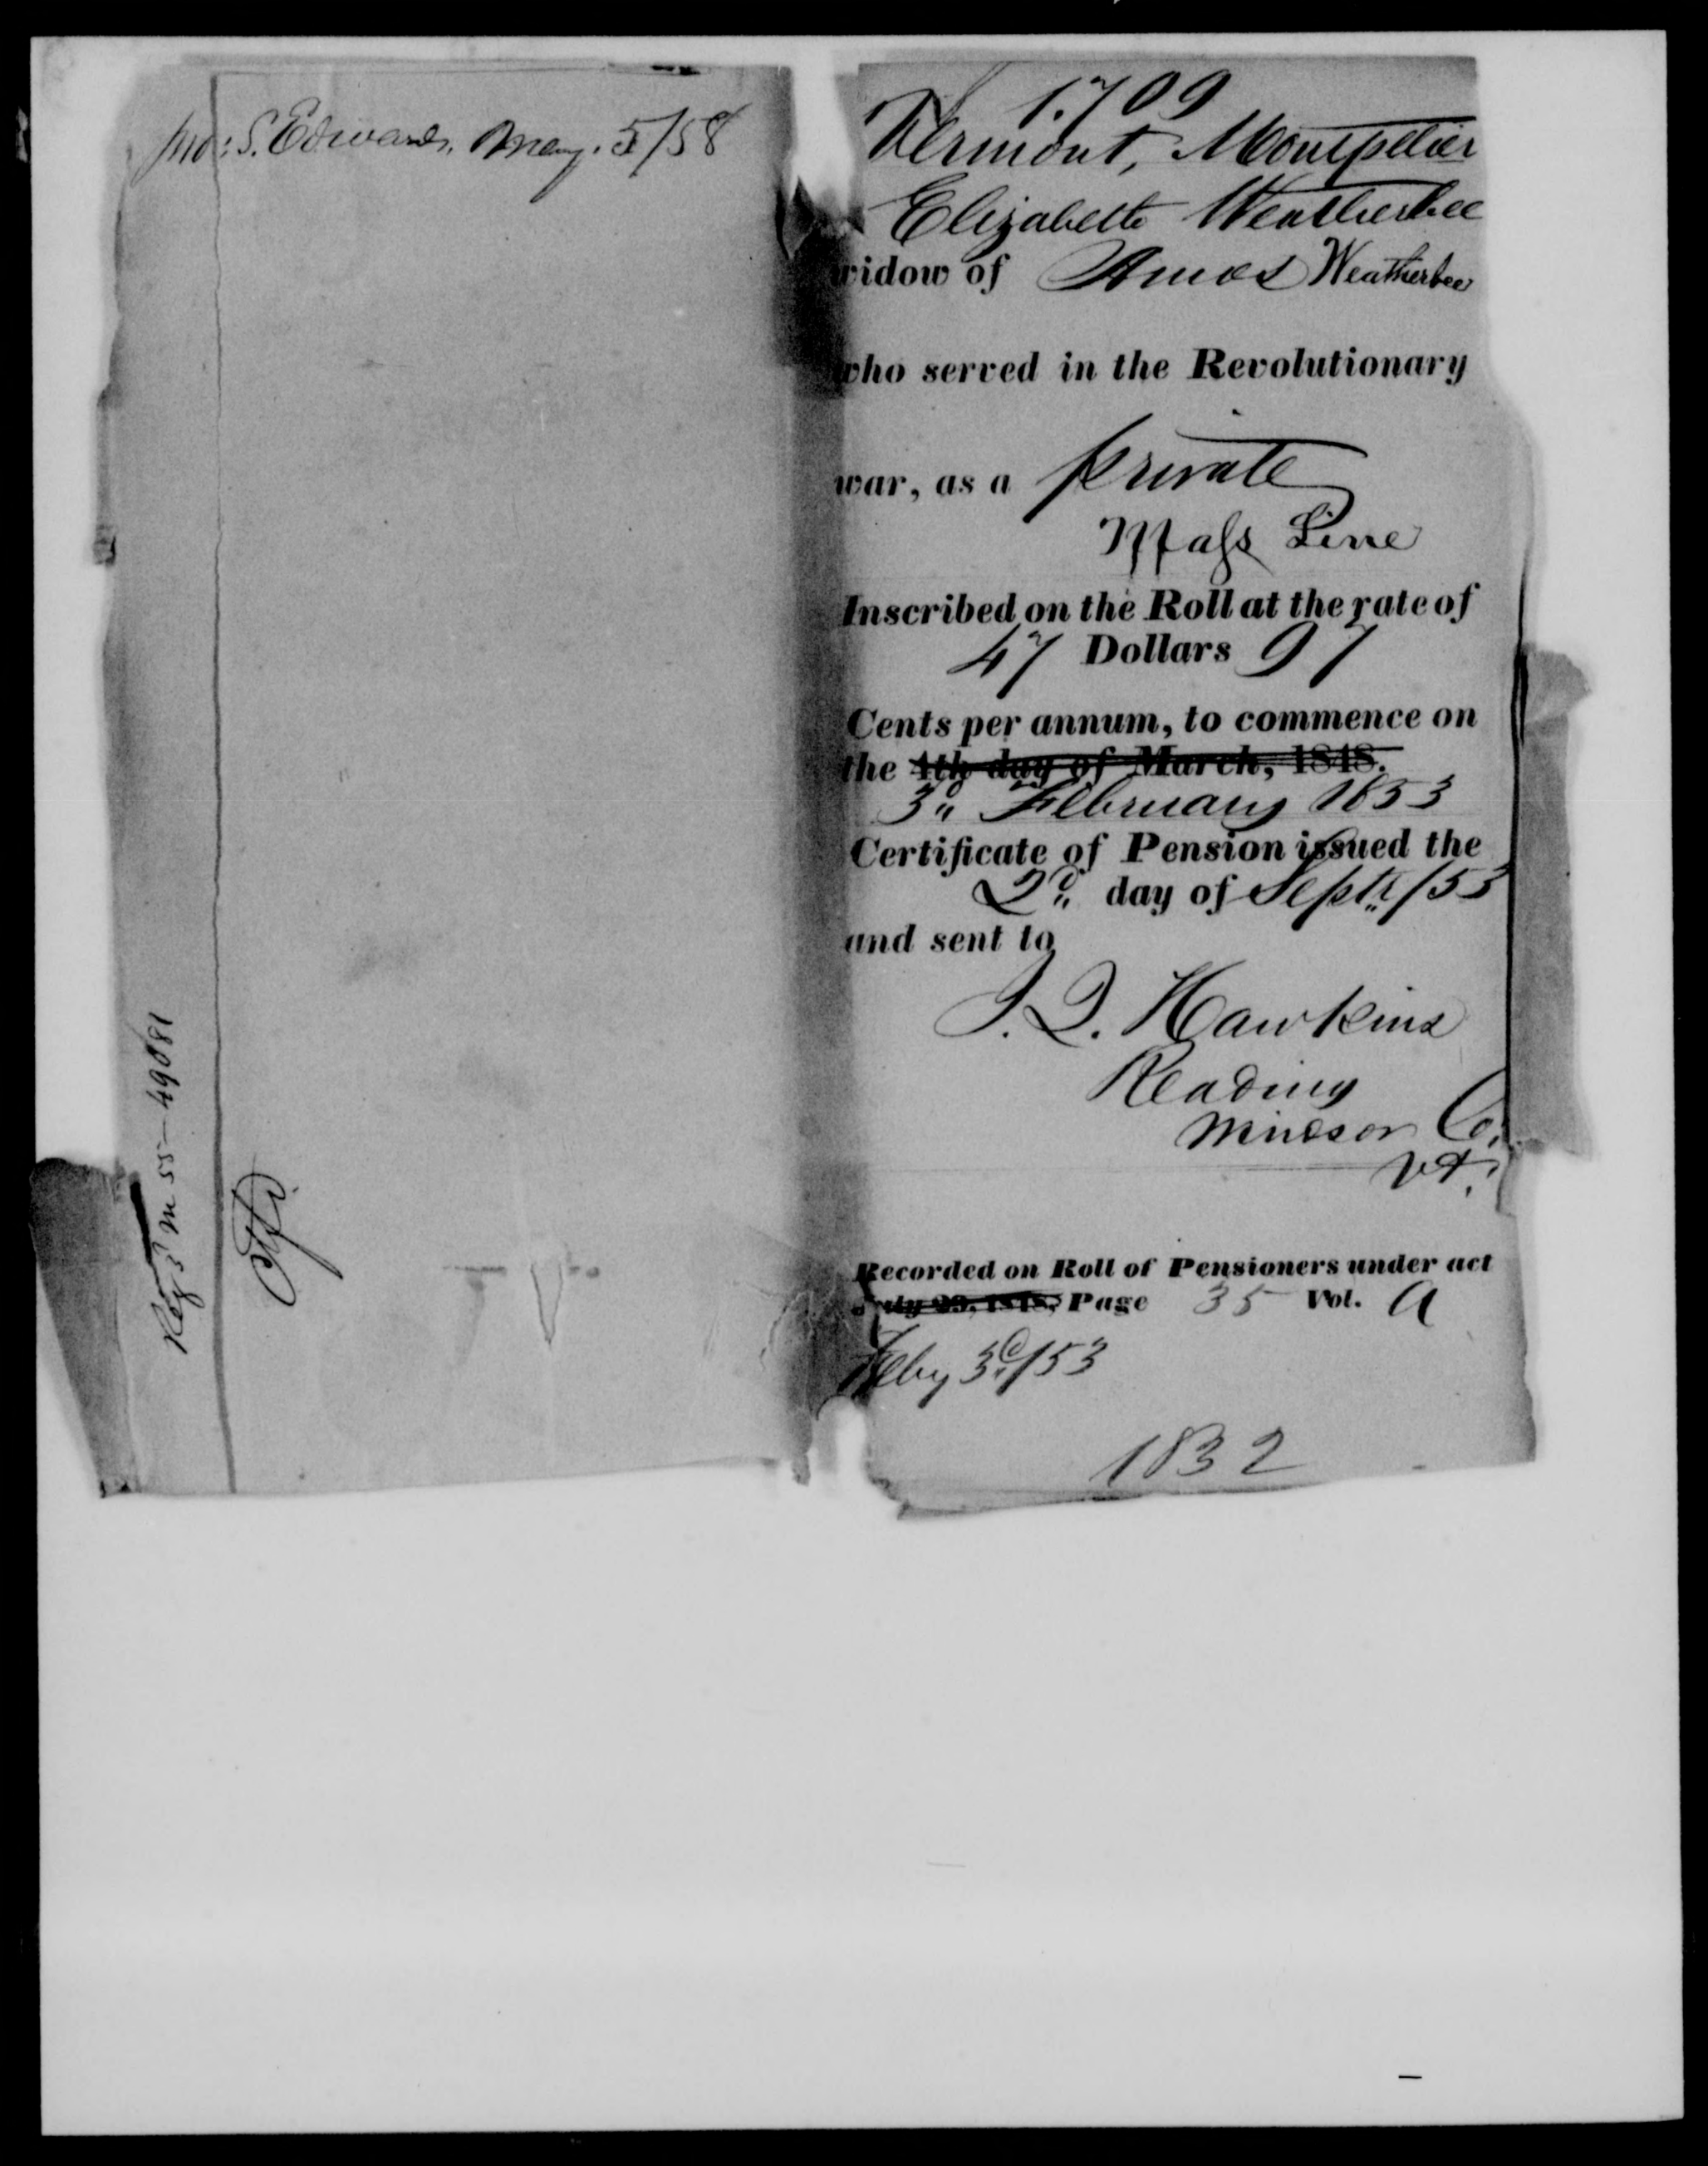Mrs S Edwards May 5/58
Reg. Jn 55  49081
Ctfd.

1709
Vermont, Montpelier
Elizabeth Weatherbee
widow of Amos Weatherbee who served in the Revolutionary was as a private Mass. Line
Inscribed on the Roll at the rate of 48 Dollars 97 Cents per annum to commence on the 3d February 1853
Certificate of Pension issued the 2d day 
of Sept.53
and sent to J. Q. Hawkins
Reading Windsor Co., Vt.
Recorded on Roll of Pensioners under act Feby. 2d /53
1832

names: Elizabeth Weatherbee, Jno S Edwards, J Q Hawkins, Amos Weatherbee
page: 4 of 66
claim: widow's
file: W. 2468, Amos Wetherbee, Mass.